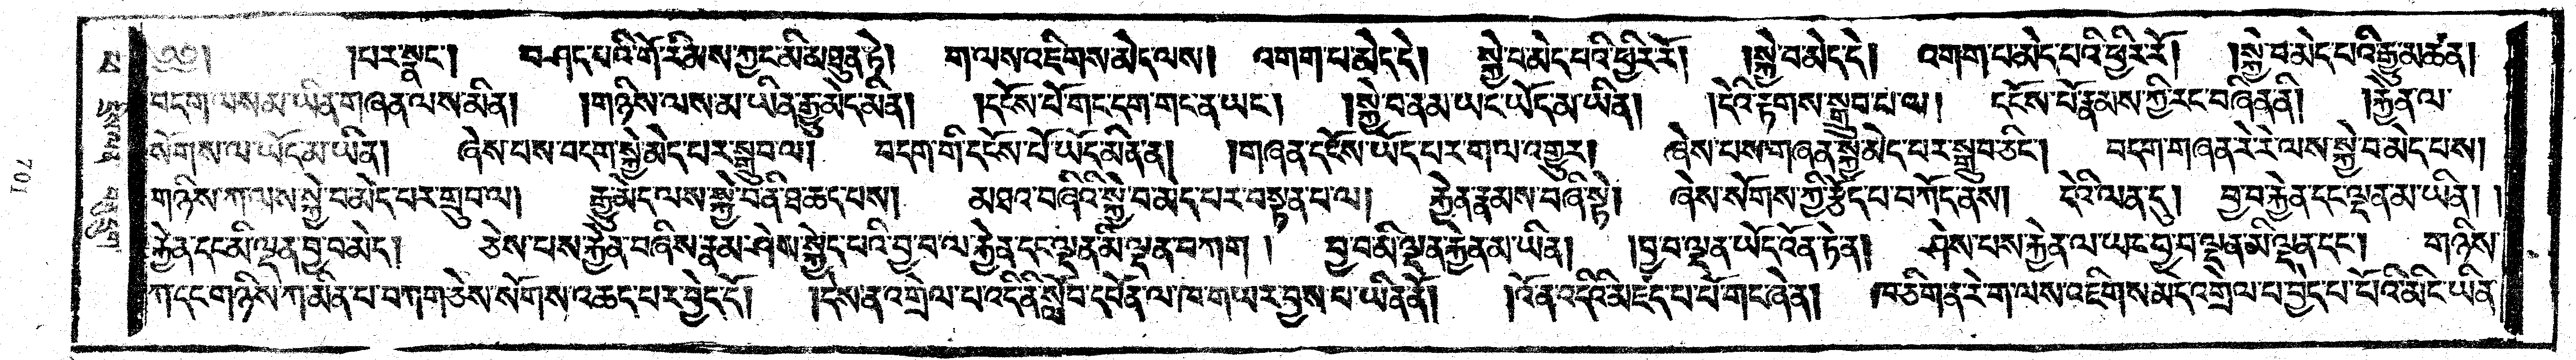༄༅། །པར་སྣང་། བཤད་པའི་གོ་རིམས་ཀྱང་མི་མཐུན་ཏེ། ག་ལས་འཇིགས་མེད་ལས། འགག་པ་མེད་དེ། སྐྱེ་བ་མེད་པའི་ཕྱིར་རོ། །སྐྱེ་བ་མེད་དེ། འགག་པ་མེད་པའི་ཕྱིར་རོ། །སྐྱེ་བ་མེད་པའི་རྒྱུ་མཚན།
བདག་ལས་མ་ཡིན་གཞན་ལས་མིན། །གཉིས་ལས་མ་ཡིན་རྒྱུ་མེད་མིན། །དངོས་པོ་གང་དག་གང་ན་ཡང་། །སྐྱེ་བ་ནམ་ཡང་ཡོད་མ་ཡིན། །དེའི་རྟགས་སྒྲུབ་པ་ལ། དངོས་པོ་རྣམས་ཀྱི་རང་བཞིན་ནི། །རྐྱེན་ལ་
སོགས་ལ་ཡོད་མ་ཡིན། ཞེས་པས་བདག་སྐྱེ་མེད་པར་སྒྲུབ་ལ། བདག་གི་དངོས་པོ་ཡོད་མིན་ན། །གཞན་དངོས་ཡོད་པར་གལ་འགྱུར། ཞེས་པས་གཞན་སྐྱེ་མེད་པར་སྒྲུབ་ཅིང་། བདག་གཞན་རེ་རེ་ལས་སྐྱེ་བ་མེད་པས།
གཉིས་ཀ་ལས་སྐྱེ་བ་མེད་པར་གྲུབ་ལ། རྒྱུ་མེད་ལས་སྐྱེ་བ་ནི་ཐ་ཆད་པས། མཐའ་བཞིའི་སྐྱེ་བ་མེད་པར་བསྟན་པ་ལ། རྐྱེན་རྣམས་བཞི་སྟེ། ཞེས་སོགས་ཀྱི་རྩོད་པ་བཀོད་ནས། དེའི་ལན་དུ། བྱ་བ་རྐྱེན་དང་ལྡན་མ་ཡིན། །
རྐྱེན་དང་མི་ལྡན་བྱ་བ་མེད། ཅེས་པས་རྐྱེན་བཞིས་རྣམ་ཤེས་སྐྱེད་པའི་བྱ་བ་ལ་རྐྱེན་དང་ལྡན་མི་ལྡན་བཀག། བྱ་བ་མི་ལྡན་རྐྱེན་མ་ཡིན། །བྱ་བ་ལྡན་ཡོད་འོན་ཏེ་ན། ཤེས་པས་རྐྱེན་ལ་ཡང་བྱ་བ་ལྡན་མི་ལྡན་དང་། གཉིས་
ཀ་དང་གཉིས་ཀ་མིན་པ་བཀག་ཅེས་སོགས་འཆད་པར་བྱེད་དོ། །དེས་ན་འགྲེལ་པ་འདི་ནི་སློབ་དཔོན་ལ་ཁ་གཡར་བྱས་པ་ཡིན་ནོ། །འོ་ན་འདིའི་མཛད་པ་པོ་གང་ཞེ་ན། ཁ་ཅིག་ན་རེ་ག་ལས་འཇིགས་མེད་འགྲེལ་པ་བྱེད་པ་པོའི་མིང་ཡིན་